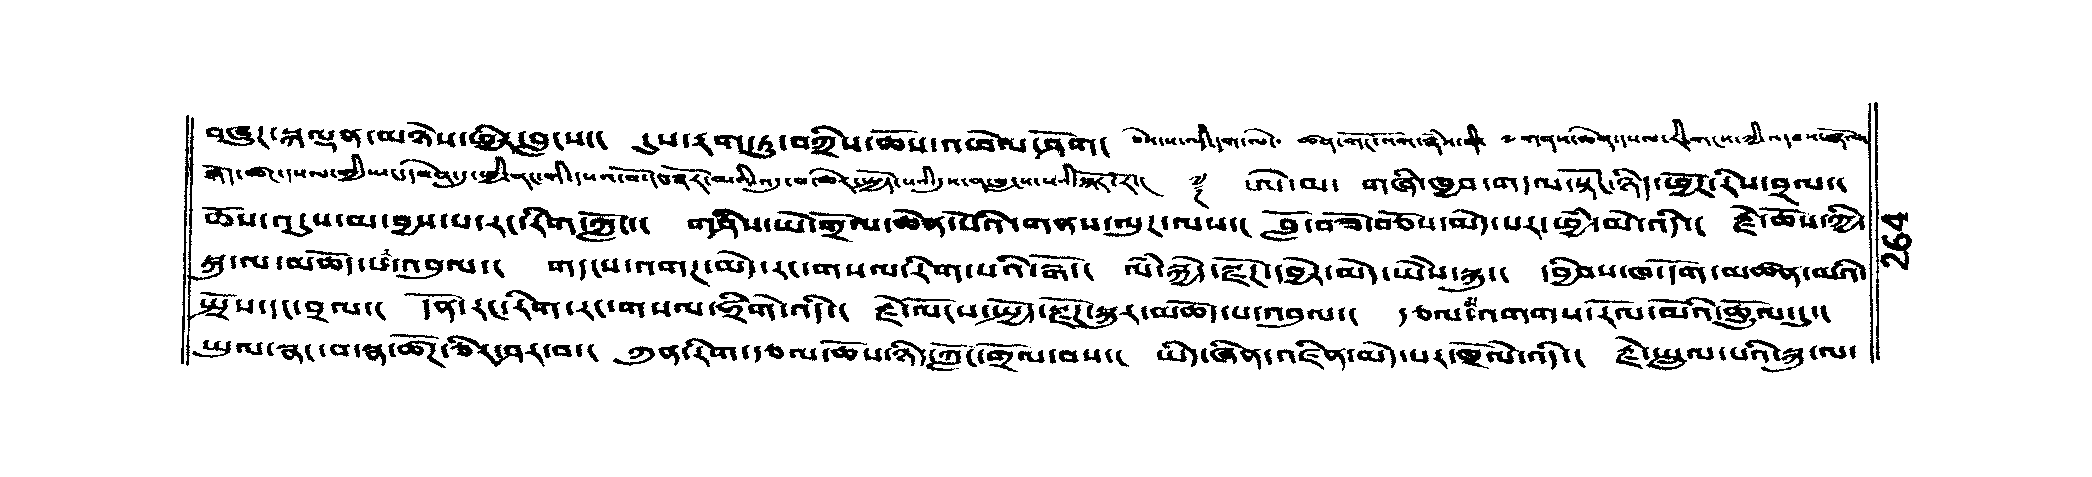བཞུགས་སྐལ་ལྡན་མཉེས་ཕྱིར་བླངས། །དུས་རྟག་ཏུ་བཀྲ་ཤིས་ཆོས་འཕེལ་ཤོག། ཅེས་པ་འདི་དང་ལེ་ཚན་གོང་འོག་རྣམས་ནི། གནས་ཆེན་དཔལ་རི་གངས་ཀྱི་འདབས་ཞོལ་
རྒོད་ཚང་དཔལ་གྱི་ཡང་དབེན་དུ་ཕྱི་ནང་གི་དཔའ་བོ་དང་རྣལ་འབྱོར་མའི་འདུ་བ་ཆེར་སྤྱོད་པའི་དུས་སུ་བླངས་པའི་སྐོར་རོ།། ༈ ཨེ་མ། གཞི་ཁྱབ་གདལ་སྟོང་ཉིད་ཕྱོགས་རིས་བྲལ། །
ཆོས་འདུས་མ་བྱས་པ་རང་གི་ཀློང་། །གཤིས་ཡེ་གྲོལ་ཆེན་པོའི་གནས་ལུགས་ལས། །བློ་བཟོ་བཅོས་མེད་པར་ཕྱམ་མེ་འདི། །རྗེ་ཆོས་ཀྱི་
སྐུ་ལ་མཆོད་པར་འབུལ། །གདངས་འགགས་མེད་རང་གསལ་རིག་པའི་སྒོ། །ལམ་སྐྱེད་རྫོགས་དབྱེར་མེད་ཡེ་ཤེས་སྐུ། །དབྱིབས་ཁ་དོག་མཚན་མའི་
སྤྲོས་དང་བྲལ། །དོན་རང་རིག་རང་གསལ་ཧྲིག་གེ་འདི། །རྗེ་ལོངས་སྤྱོད་རྫོགས་སྐུར་མཆོད་པ་འབུལ། །རྩལ་མ་འགགས་རོལ་མོའི་ཆོ་འཕྲུལ་དུ། །
ཡུལ་སྣང་བ་སྣ་ཚོགས་ཅིར་ཤར་བ། །ཀུན་རིག་རྩལ་ཆོས་ཉིད་ཀློང་གྲོལ་བས། །ཡིད་ཞེན་འཛིན་མེད་པར་ཁྲོལ་ལེ་འདི། །རྗེ་སྤྲུལ་པའི་སྐུ་ལ་